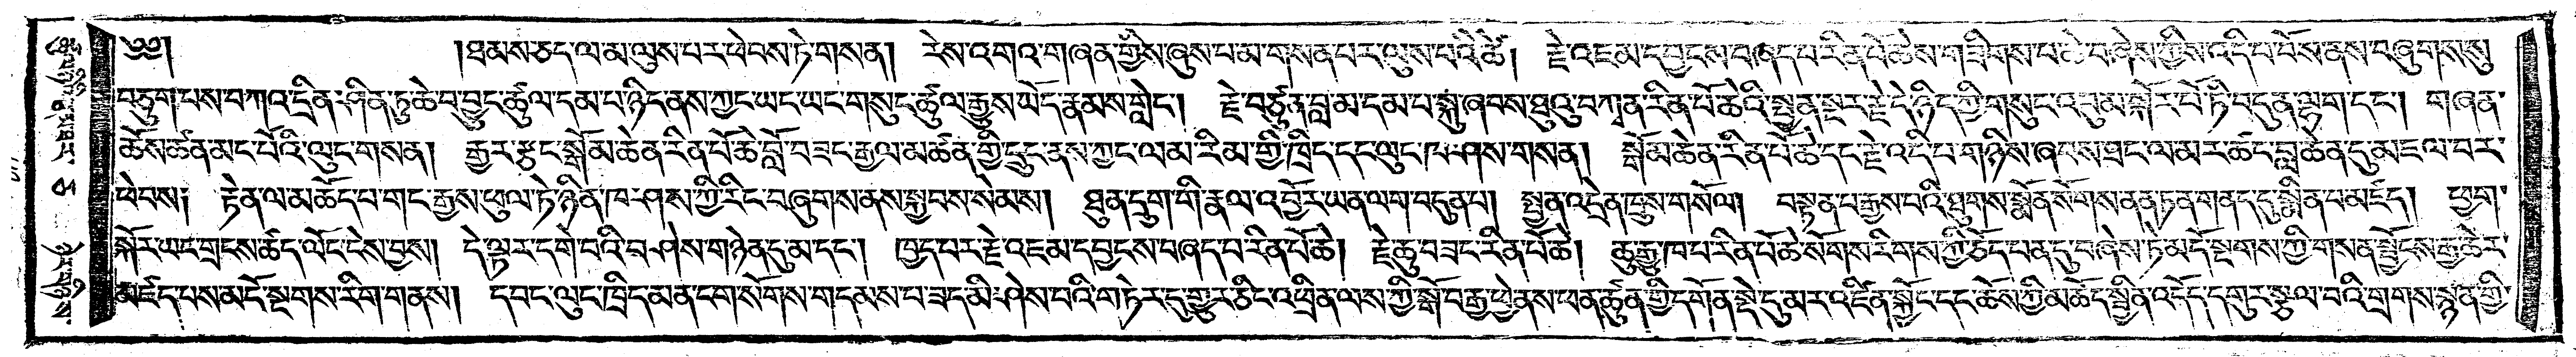༄༅། །ཐམས་ཅད་ལ་མ་ལུས་པར་ཕེབས་ཏེ་གསན། རེས་འགའ་གཞན་གྱིས་ཞུས་པ་མ་གསན་པར་ལུས་པའི་ཚེ། རྗེ་འཇམ་དབྱངས་བཞད་པ་རིན་པོ་ཆེས་གཟིགས་པ་ཆེ་བཞེས་ཀྱིས་འདི་པ་བོས་ནས་བཞུགས་སུ་
བཅུག་པས་བཀའ་དྲིན་ཤིན་ཏུ་ཆེ་བ་བྱུང་ཚུལ་དམ་པ་ཉིད་ནས་ཀྱང་ཡང་ཡང་གསུང་ཚུལ་རྒྱུས་ཡོད་རྣམས་གླེང་། རྗེ་བཙུན་བླ་མ་དམ་པ་སྐུ་ཞབས་ཐུའུ་བཀྭན་རིན་པོ་ཆེའི་སྤྱན་སྔར་རྗེ་དེ་ཉིད་ཀྱི་གསུང་འབུམ་སྐོར་པོ་ཏི་བདུན་ལྷག་དང་། གཞན་
ཆོས་ཚན་མང་པོའི་ལུང་གསན། རྒྱར་རྩང་སྒོམ་ཆེན་རིན་པོ་ཆེ་བློ་བཟང་རྒྱལ་མཚན་གྱི་དྲུང་ནས་ཀྱང་ལམ་རིམ་གྱི་ཁྲིད་དང་ལུང་ཁ་ཤས་གསན། སྒོམ་ཆེན་རིན་པོ་ཆེ་དང་རྗེ་འདི་པ་གཉིས་ཞབས་ཐང་ལ་མར་ཚང་བླ་ཆེན་དུ་མཇལ་བར་
ཕེབས༑ རྟེན་ལ་མཆོད་པ་གང་རྒྱས་ཕུལ་ཏེ་ཉིན་ཁ་ཤས་ཀྱི་རིང་བཞུགས་ནས་སྐྱབས་སེམས། ཐུན་དྲུག་གི་རྣལ་འབྱོར་ཡན་ལག་བདུན་བ། སྤྱན་འདྲེན་ཁྲུས་གསོལ། བསྟན་པ་རྒྱས་པའི་ཐུགས་སྨོན་སོགས་ནན་ཏན་གནད་དུ་སྨིན་བ་མཛད། ཕྱག་
སྐོར་ཡང་གྲངས་ཚད་ལོང་ངེས་བྱས། དེ་ལྟར་དགེ་བའི་བཤེས་གཉེན་དུ་མ་དང་། ཁྱད་པར་རྗེ་འཇམ་དབྱངས་བཞད་པ་རིན་པོ་ཆེ། རྗེ་ཆུ་བཟང་རིན་པོ་ཆེ། ཆུ་རྒྱུ་ཁ་བ་རིན་པོ་ཆེ་སོགས་རིགས་ཀྱི་ཅོད་པན་དུ་བཞེས་ཏེ་མདོ་སྔགས་ཀྱི་གསན་སྦྱོངས་རྒྱ་ཆེར་
མཛད་པས་མདོ་སྔགས་རིག་གནས། དབང་ལུང་ཁྲིད་མན་ངག་སོགས་གདམས་བ་ཟད་མི་ཤེས་པའི་གཏེར་དུ་གྱུར་ཅིང་འཕྲིན་ལས་ཀྱི་སྒོ་བརྒྱ་ཕྱེ་ནས་ཕན་ཚུན་གྱི་དགོན་སྡེ་དུ་མར་འཛིན་སྐྱོང་དང་ཆོས་ཀྱི་མཆོད་སྦྱིན་འདོད་དགུར་སྩལ་བའི་གྲགས་སྙན་གྱི་